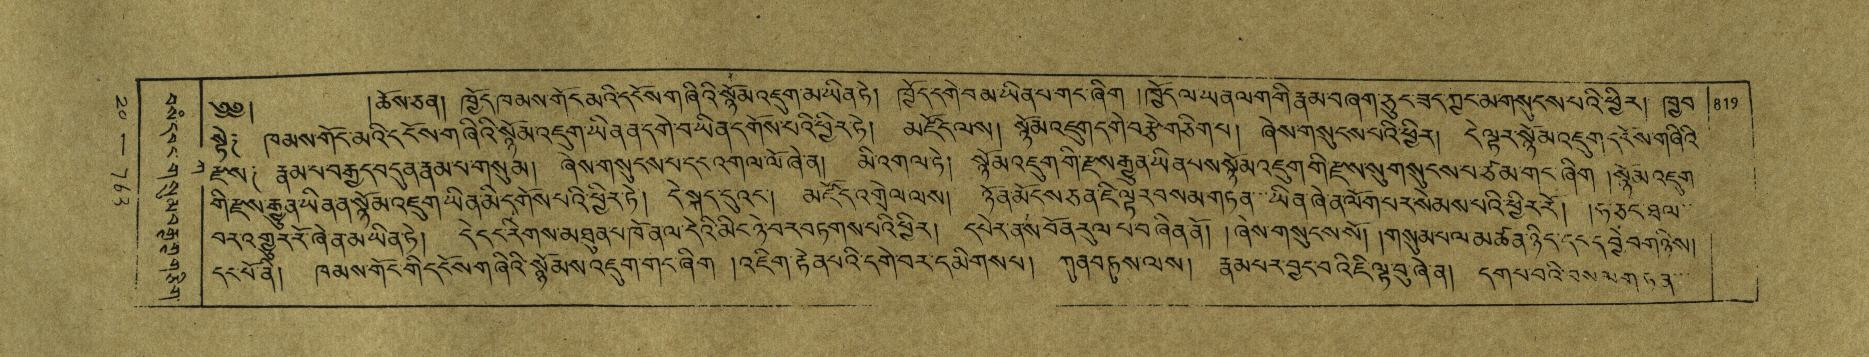༄༅། །ཆོས་ཅན། ཁྱོད་ཁམས་གོང་མའི་དངོས་གཞིའི་སྙོམ་འཇུག་མ་ཡིན་ཏེ། ཁྱོད་དགེ་བ་མ་ཡིན་པ་གང་ཞིག །ཁྱོད་ལ་ཡན་ལག་གི་རྣམ་བཞག་ཅུང་ཟད་ཀྱང་མ་གསུངས་པའི་ཕྱིར། ཁྱབ་
སྟེ༑ ཁམས་གོང་མའི་དངོས་གཞིའི་སྙོམ་འཇུག་ཡིན་ན་དགེ་བ་ཡིན་དགོས་པའི་ཕྱིར་ཏེ། མཛོད་ལས། སྙོམ་འཇུག་དགེ་བ་རྩེ་གཅིག་པ། ཞེས་གསུངས་པའི་ཕྱིར། དེ་ལྟར་སྙོམ་འཇུག་དངོས་གཞིའི་
རྫས༑ རྣམ་པ་བརྒྱད་བདུན་རྣམ་པ་གསུམ། ཞེས་གསུངས་པ་དང་འགལ་ལོ་ཞེ་ན། མི་འགལ་ཏེ། སྙོམ་འཇུག་གི་རྫས་རྒྱུན་ཡིན་པས་སྙོམ་འཇུག་གི་རྫས་སུ་གསུངས་པ་རྩམ་གང་ཞིག །སྙོམ་འཇུག་
གི་རྫས་རྒྱུན་ཡིན་ན་སྙོམ་འཇུག་ཡིན་མི་དགོས་པའི་ཕྱིར་ཏེ། དེ་སྐད་དུ་འང་། མཛོད་འགྲེལ་ལས། ཉོན་མོངས་ཅན་ཇི་ལྟར་བསམ་གཏན། ཡིན་ཞེ་ན་ལོག་པར་སེམས་པའི་ཕྱིར་རོ། །ཧ་ཅང་ཐལ་
བར་འགྱུར་རོ་ཞེ་ན་མ་ཡིན་ཏེ། དེ་དང་རིགས་མཐུན་པ་ཁོ་ན་ལ་དེའི་མིང་ཉེ་བར་བཏགས་པའི་ཕྱིར། དཔེར་ན་ས་བོན་རུལ་པ་བཞིན་ནོ། །ཞེས་གསུངས་སོ། །གསུམ་པ་ལ་མཚན་ཉིད་དང་དབྱེ་བ་གཉིས།
དང་པོ་ནི། ཁམས་གོང་གི་དངོས་གཞིའི་སྙོམས་འཇུག་གང་ཞིག །འཇིག་རྟེན་པའི་དགེ་བར་དམིགས་པ། ཀུན་བཏུས་ལས། རྣམ་པར་བྱང་བའི་ཇི་ལྟ་བུ་ཞེ་ན། དག་པ་བའི་བསམ་གཏན་